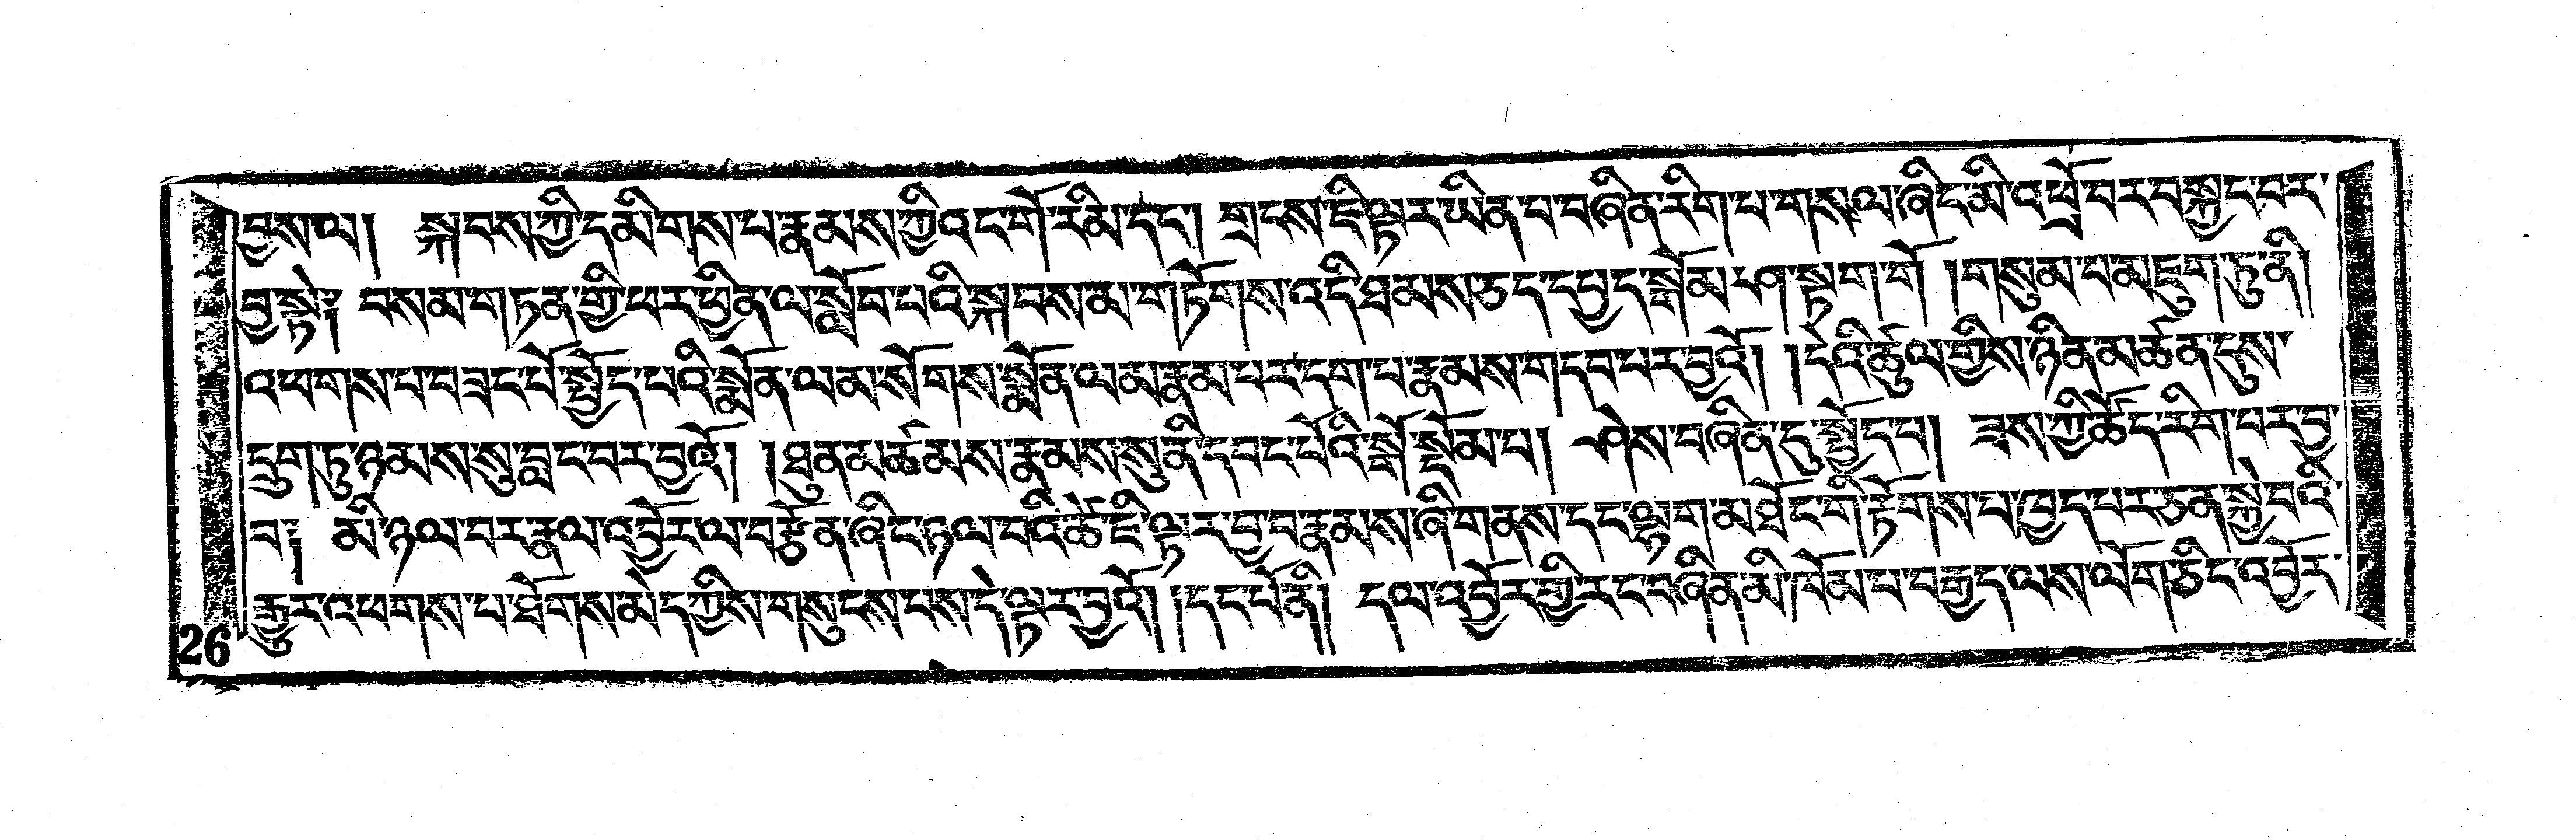བྱས་ལ། སྐབས་ཀྱི་དམིགས་པ་རྣམས་ཀྱིའང་གོ་རིམ་དང་། གྲངས་ཇི་ལྟར་ཡིན་པ་བཞིན་རིག་པ་གསལ་ཞིང་མི་འཕྲོ་བར་བསྐྱང་བར་
བྱ་སྟེ༑ བསམ་གཏན་གྱི་ཕར་ཕྱིན་ལ་སློབ་པའི་སྐབས་མ་གཏོགས་འདི་ཐམས་ཅད་དཔྱད་སྒོམ་ཤ་སྟག་གོ །གསུམ་པ་མཇུག་ཏུ་ནི།
འཕགས་པ་བཟང་པོ་སྤྱོད་པའི་སྨོན་ལམ་སོགས་སྨོན་ལམ་རྣམ་པར་དག་པ་རྣམས་གདབ་པར་བྱའོ། །དེའི་ཚུལ་གྱིས་ཉིན་མཚན་དུས་
དྲུག་ཏུ་ཉམས་སུ་བླང་བར་བྱའོ། །ཐུན་མཚམས་རྣམས་སུ་ནི་དབང་པོའི་སྒོ་སྡོམ་པ། ཤེས་བཞིན་དུ་སྤྱོད་པ། ཟས་ཀྱི་ཚོད་རིག་པར་བྱ་
བ༑ མི་ཉལ་བར་རྣལ་འབྱོར་ལ་བརྩོན་ཞིང་ཉལ་བའི་ཚེ་ཇི་ལྟར་བྱ་བ་རྣམས་ཞི་གནས་དང་ལྷག་མཐོང་གི་རྟོགས་པ་ཁྱད་པར་ཅན་སྐྱེ་བའི་
རྒྱུར་འཕགས་པ་ཐོགས་མེད་ཀྱིས་གསུངས་པས་དེ་ལྟར་བྱའོ། །དང་པོ་ནི། དལ་འབྱོར་གྱི་རང་བཞིན་མི་ཁོམ་པ་བརྒྱད་ལས་ལོག་ཅིང་འབྱོར་